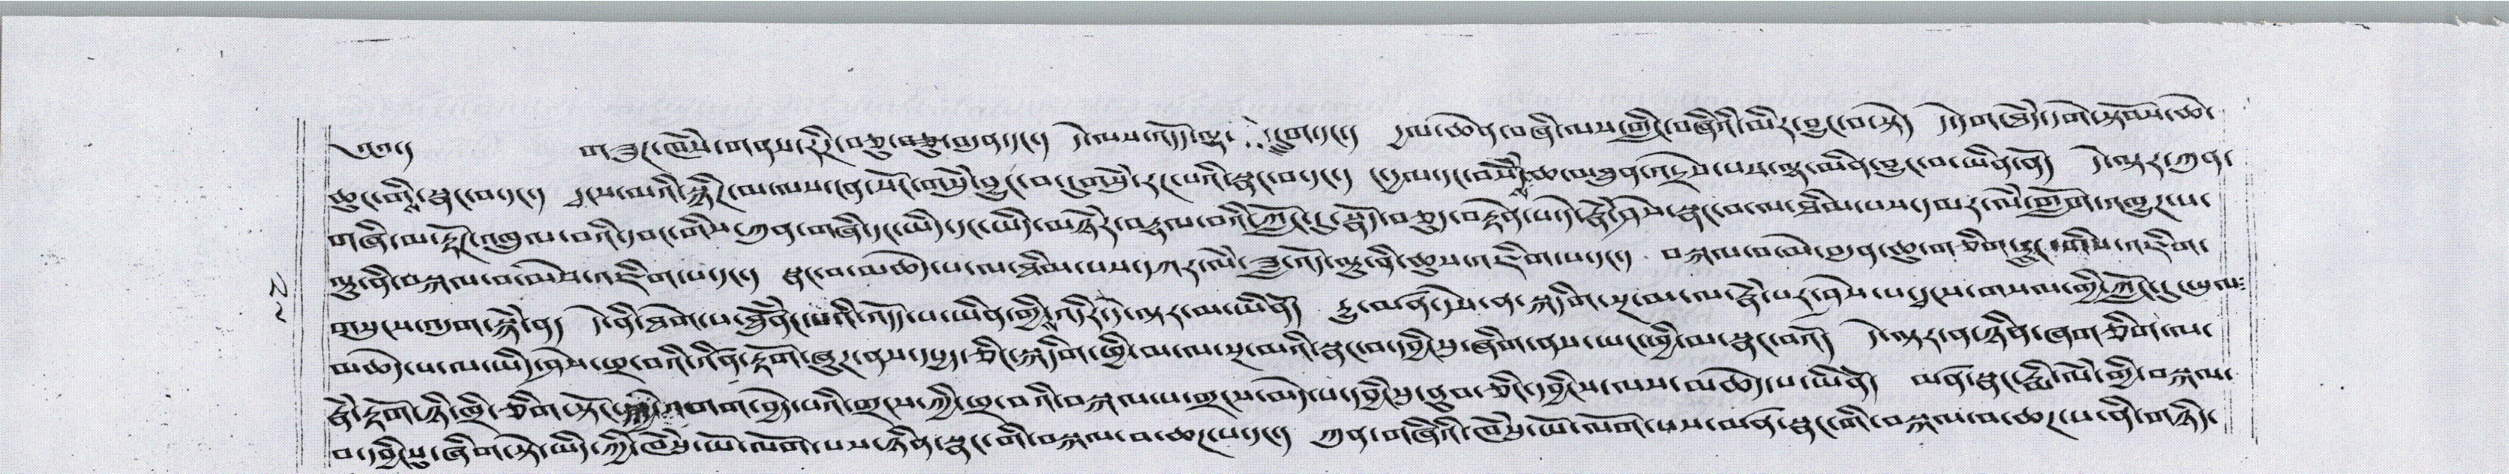གཟུགས་ཁམས་གནས་རིགས་བཅུ་བདུན་དང། དེ་ལས་འདོད་ལྷ་དྲུག་དང། རྒྱལ་ཆེན་བཞི་ལས་གླིང་བཞིའི་མིར་བྱུང་བ་སྟེ། དེ་དག་ཐམས་ཅད་དགེ་སྟོབས་ཆེ་
ཆུང་གིས་སྣང་བ་དང། དྭངས་མའི་སྙིགས་མ་ལས་ངན་སོང་གསུམ་བྱུང་བ་དུག་གསུམ་རགས་པའི་སྣང་བ་དང། ང་རྒྱལ་དང་བསོད་ནམས་ཆ་མཐུན་འདྲེས་པས་ལྷ་མིན་བྱུང་བ་ཡིན་ནོ། དེ་ལྟར་ཀུན་
གཞི་མ་རྟོགས་འཁྲུལ་བའི་དབང་གིས་ཀུན་གཞི་དང་ཡིད་དང་ཡིད་མཉམ་པར་བརྡལ་བའི་ཀློང་དུ་སྣོད་བཅུད་བརྟེན་པ་དེ་རྣམ་ཤེས་སྣང་བ་ལ་ཐིམ་པས་དམར་ལམ་གློག་འཁྱུགས་པ་
ལྷ་བུ་ནི་བསྐལ་པ་མེས་འཇིག་པ་དང། སྣང་བ་མཆེད་པ་ལ་ཐིམ་པས་དཀར་ལམ་ཟླ་འོད་ལྟ་བུ་ནི་ཆུས་འཇིག་པ་དང། བསྐལ་བ་མེད་བདུན་ཆུ་གཅིག་རླུང་གིས་འཇིག་
གསུངས་འདུག་སྙམ་ན། དེ་ནི་ཐེག་པ་ཐུན་མོང་པའི་འདོད་པ་ཡིན་གྱིས་འདིར་དེ་ལྟར་མ་ཡིན་ནོ། རྒྱུ་མཚན་དེས་ན་སྐད་ཅིག་སྔ་མ་ལ་རྣམ་པར་ཤེས་པ་དྭངས་གསལ་གྱི་ཀློང་དུ་ཡུལ་
མཆེད་པ་ལ་ཡིད་ཤེས་ཕྲ་བའི་འཛིན་རྟོག་ཞུགས་ནས་དཔྱད་ཅིང་སྐད་ཅིག་ཕྱི་མ་ལ་སྔ་མའི་སྣང་བ་དབྱིངས་སུ་ཞིག་ནས་ཡང་ཕྱི་མ་སྣང་བའོ། དེ་ལྟར་ན་ཉིན་ཞག་གཅིག་ལ་
རྣམ་རྟོག་ཉི་ཁྲི་ཅིག་སྟོང་སྐྱེ་འགག་བྱེད་པའི་གྲངས་ཀྱི་ཕྲ་བའི་བསྐལ་པ་གྲངས་མེད་པ་དབྱིངས་སུ་ནུབ་ཅིང་དབྱིངས་ལས་མཆེད་པ་ཡིན་ནོ། མཚན་སྣང་རྨི་ལམ་གྱི་བསྐལ་
པ་དབྱིངས་སུ་ཞིག་སྟེ་ཡིད་ཀྱི་ཁམས་གསུམ་ཡོ་ལོག་པས་ཉིན་སྣང་གི་བསྐལ་བ་ཆགས་པ་དང། ཀུན་གཞིའི་ཁམས་གསུམ་ཡོ་ལོག་པས་མཚན་སྣང་གི་བསྐལ་པ་ཆགས་པ་ནི་གཉིད་